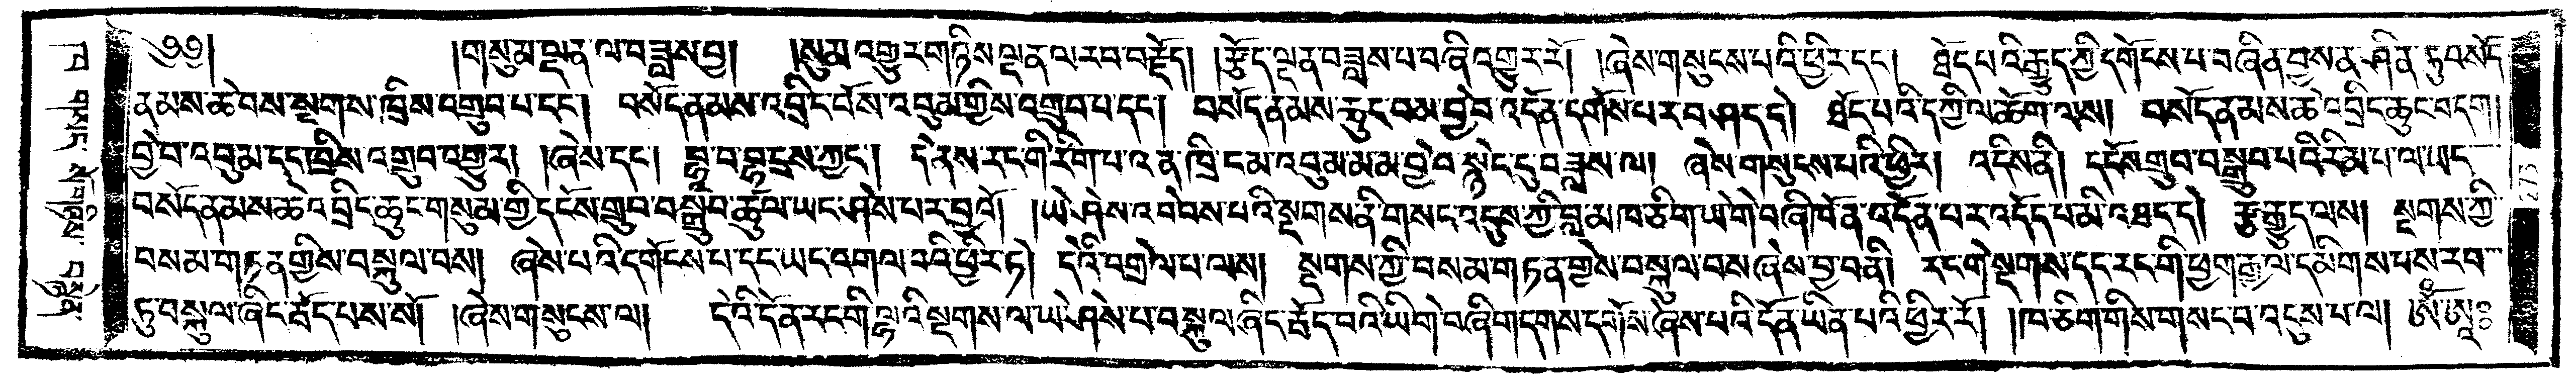༄༅། །གསུམ་ལྡན་ལ་བཟླས་བྱ། །སུམ་འགྱུར་གཉིས་ལྡན་ལ་རབ་བརྗོད། །རྩོད་ལྡན་བཟླས་པ་བཞི་འགྱུར་རོ། །ཞེས་གསུངས་པའི་ཕྱིར་དང་། ཐོད་པའི་རྒྱུད་ཀྱི་དགོངས་པ་བཞིན་བྱས་ན་ཤིན་ཏུ་བསོད་
ནམས་ཆེ་བས་སྔགས་ཁྲིས་འགྲུབ་པ་དང་། བསོད་ནམས་འབྲིང་པོས་འབུམ་གྱིས་འགྲུབ་པ་དང་། བསོད་ནམས་ཆུང་བམ་བྱེ་བ་འདོན་དགོས་པར་བཤད་དེ། ཐོད་པའི་དཀྱིལ་ཆོག་ལས། བསོད་ནམས་ཆེ་འབྲིང་ཆུང་བ་དག།
བྱེ་བ་འབུམ་དང་ཁྲིས་འགྲུབ་འགྱུར། །ཞེས་དང་། བྷཱ་བ་བྷ་དྲས་ཀྱང་། དེ་ནས་རང་གི་རིག་པ་འན་ཁྲི་ངམ་འབུམ་མ་མ་བྱེ་བ་སྙེད་དུ་བཟླས་ལ། ཞེས་གསུངས་པའི་ཕྱིར། འདིས་ནི། དངོས་གྲུབ་བསྒྲུབ་པའི་རིམ་པ་ལ་ཡང་
བསོད་ནམས་ཆེ་འབྲིང་ཆུང་གསུམ་གྱི་དངོས་གྲུབ་བསྒྲུབ་ཚུལ་ཡང་ཤེས་པར་བྱའོ། །ཡེ་ཤེས་འབེབས་པའི་སྔགས་ནི་གསང་འདུས་ཀྱི་བླ་མ་ཁ་ཅིག་ཡེ་གེ་བཞི་ཁོ་ན་འདོན་པར་འདོད་པ་མི་འཐད་དེ། རྩ་རྒྱུད་ལས། སྔགས་ཀྱི་
བསམ་གཏན་གྱིས་བསྐུལ་བས། ཞེས་པའི་དགོངས་པ་དང་ཡང་འགལ་བའི་ཕྱིར་ཏེ། དེའི་འགྲེལ་པ་ལས། སྔགས་ཀྱི་བསམ་གཏན་གྱེས་བསྐུལ་བས་ཞེས་བྱ་བ་ནི། རང་གེ་སྔགས་དང་རང་གི་ཕྱག་རྒྱ་ལ་དམིགས་པས་རབ་
ཏུ་བསྐུལ་ཞིང་རྦོད་པས་སོ། །ཞེས་གསུངས་ལ། དེའི་དོན་རང་གི་ལྷའི་སྔགས་ལ་ཡེ་ཤེས་པ་བསྐུལ་ཞིང་རྦོད་བའི་ཡི་གེ་བཞིག་དགས་དགོས་ཞེས་པའི་དོན་ཡིན་པའི་ཕྱིར་རོ། །ཁ་ཅིག་གིས་གསང་བ་འདུས་པ་ལ། ཨོཾ་ཨཱཿ